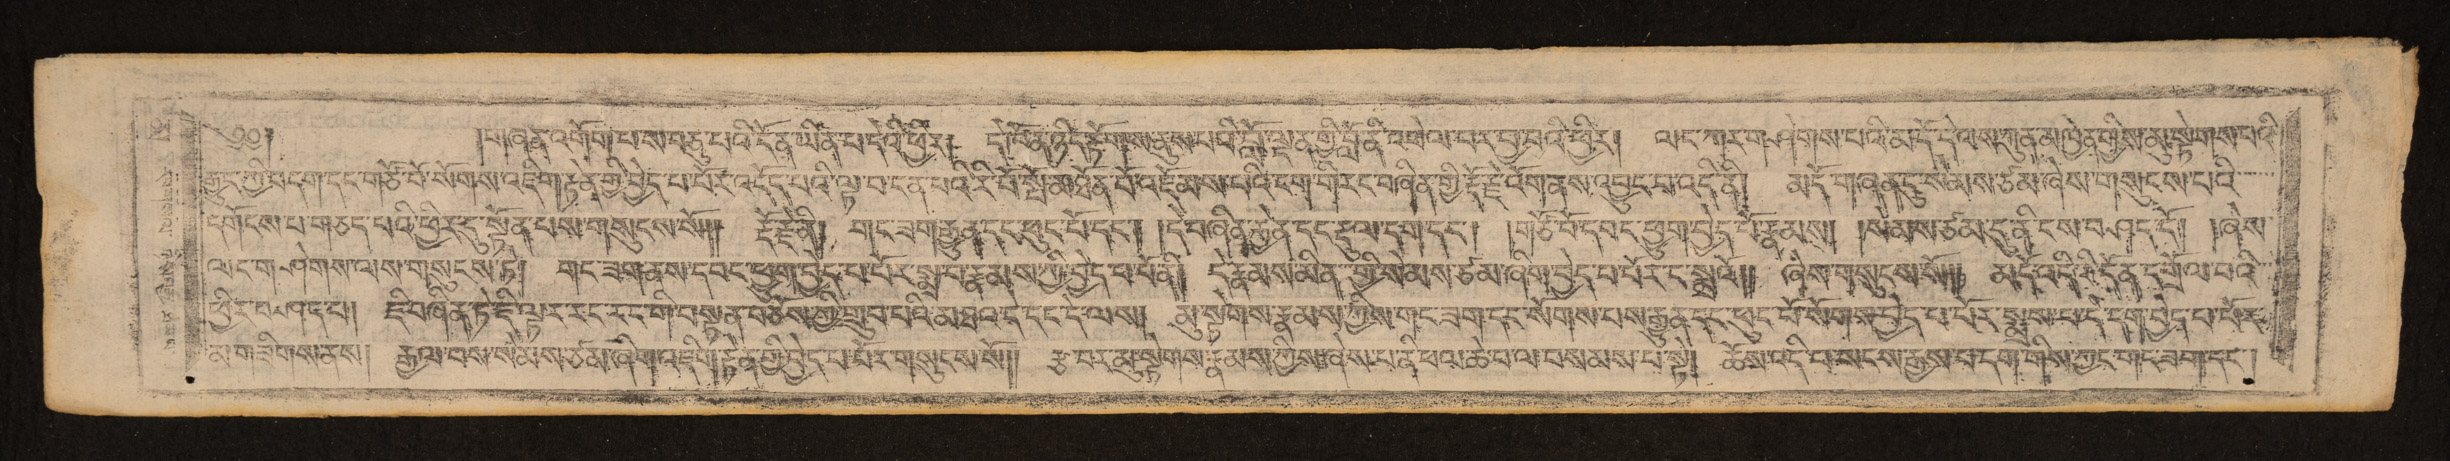༄༅། །གཞན་འགོག་པ་ས་བཅུ་པའི་དོན་ཡིན་པ་དེའི་ཕྱིར། དེ་ཁོ་ན་ཉིད་རྟོགས་ནུས་པའི་བློ་ལྡན་གྱི་བློ་ནི་འཕེལ་བར་བྱ་བའི་ཕྱིར། ལང་ཀར་གཤེགས་པའི་མདོ་དེ་ལས་ཀུན་མཁྱེན་གྱིས་མུ་སྟེགས་པའི་
རྒྱུད་ཀྱི་བདག་དང་གཙོ་བོ་སོགས་འཇིག་རྟེན་གྱི་བྱེད་པ་པོར་འདོད་པའི་ལྟ་བ་ངན་པའི་རི་བོ་སྤོ་མཐོན་པོ་འཇོམས་པའི་ངག་གི་རང་བཞིན་གྱི་རྡོ་རྗེ་འོག་ནས་འབྱུང་བ་འདི་ནི། མདོ་གཞན་དུ་སེམས་ཙམ་ཞེས་གསུངས་པའི་
དགོངས་པ་གཅད་པའི་ཕྱིར་དུ་སྟོན་པས་གསུངས་སོ།། རྡོ་རྗེ་ནི། གང་ཟག་རྒྱུན་དང་ཕུང་པོ་དང་། དེ་བཞིན་རྐྱེན་དང་རྡུལ་དག་དང་། །གཙོ་བོ་དབང་ཕྱུག་བྱེད་པོ་རྣམས། །སེམས་ཙམ་དུ་ནི་ངས་བཤད་དོ། །ཞེས་
ལང་གཤེགས་ལས་གསུངས་ཏེ། གང་ཟག་ནས་དབང་ཕྱུག་བྱེད་པ་པོར་སྨྲ་བ་རྣམས་ཀྱི་བྱེད་པ་པོ་ནི། དེ་རྣམས་མིན་གྱི་སེམས་ཙམ་ཞིག་བྱེད་པ་པོར་ང་སྨྲའོ།། ཞེས་གསུངས་སོ།། མདོ་འདིའི་དོན་དགྲོལ་བའི་
ཕྱིར་བཤད་པ། ཇི་བཞིན་ཏེ་ཇི་ལྟར་རང་རང་གི་བསྟན་བཅོས་ཀྱི་གྲུབ་པའི་མཐའ་དེ་དང་དེ་ལས། མུ་སྟེགས་རྣམས་ཀྱིས་གང་ཟག་དང་སོགས་པས་རྒྱུན་དང་ཕུང་པོ་སོགས་བྱེད་པ་པོར་སྨྲས་པ་དེ་དག་བྱེད་པ་པོར་
མ་གཟིགས་ནས། རྒྱལ་བས་སེམས་ཙམ་ཞིག་འཇིག་རྟེན་གྱི་བྱེད་པ་པོར་གསུངས་སོ།། རྩ་བར་མུ་སྟེགས་རྣམས་ཀྱིས་ཞེས་པ་ནི་ཕལ་ཆེ་བ་ལ་བསམས་པ་སྟེ། ཆོས་འདི་པ་སངས་རྒྱས་པ་དག་གིས་ཀྱང་གང་ཟག་དང་།